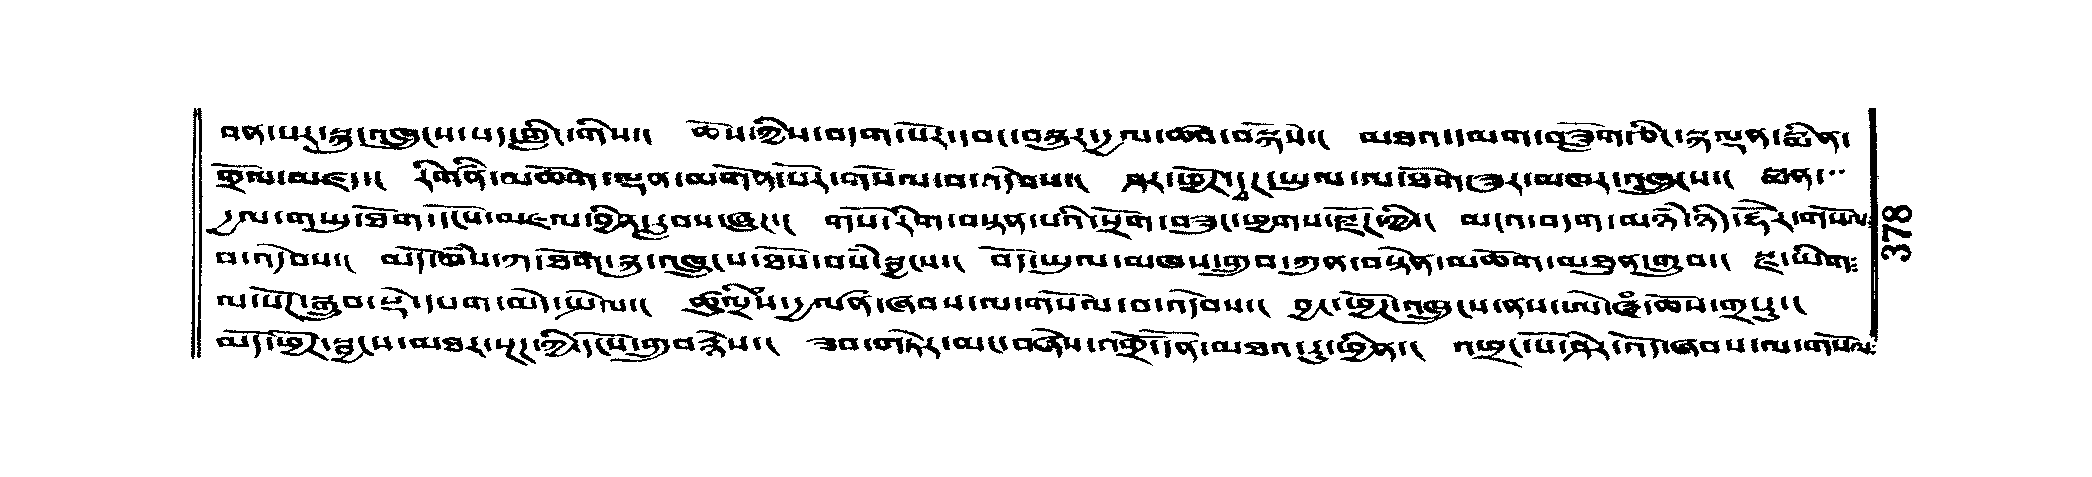དབེན་སར་སྐུ་འཁྲུངས་པད་གླིང་གིས། །ཆོས་ཀྱིས་བདག་པོར་དབང་བསྐུར་རྒྱལ་ཚབ་བསྐོས། །མཐའ་དམག་བཟློག་ཅིང་སྐལ་ལྡན་སྨིན་
གྲོལ་མཛད། །རིག་འཛིན་མཆོག་ལྡན་མགོན་པོར་གསོལ་བ་འདེབས། །ཤར་ཕྱོགས་དྭགས་ཡུལ་ལ་ཐོག་ཟུར་མཁར་འཁྲུངས། །སྨན་
རྒྱལ་གཡུ་ཐོག་དངོས་མཇལ་བྱིན་རླབས་ཞུགས། །གསོ་རིག་བསྟན་པའི་སྲོག་བཟུང་ཕྱག་རྫོགས་ཀྱི། །མངའ་བདག་མཉམ་ཉིད་རྡོ་རྗེར་གསོལ་
བ་འདེབས། །མདོ་ཁམས་ཀཿཐོག་སྐུ་འཁྲུངས་ཐོས་བསམ་སྦྱངས། །བོད་ཡུལ་མཁས་གྲུབ་ཀུན་བསྟེན་མཆོག་ཐུན་གྲུབ། །རྫ་ཡིག་
ལ་སོགས་སྒྲུབ་སྡེ་དཔག་མེད་སྤེལ། །ཚུལ་ཁྲིམས་རྒྱལ་མཚན་ཞབས་ལ་གསོལ་བ་འདེབས། །བྱང་ཕྱོགས་འཁྲུངས་ནས་ཨེ་ཝཾ་ཆོས་གྲ་རུ། །
མདོ་ཕྱོགས་སྦྱངས་མཐར་སྔགས་ཀྱི་དངོས་གྲུབ་བརྙེས། །ཟབ་གཏེར་མང་བཞེས་འགྲོ་དོན་མཐའ་རུ་ཕྱིན། །འཕྲེང་པོ་ཤེར་འོད་ཞབས་ལ་གསོལ་